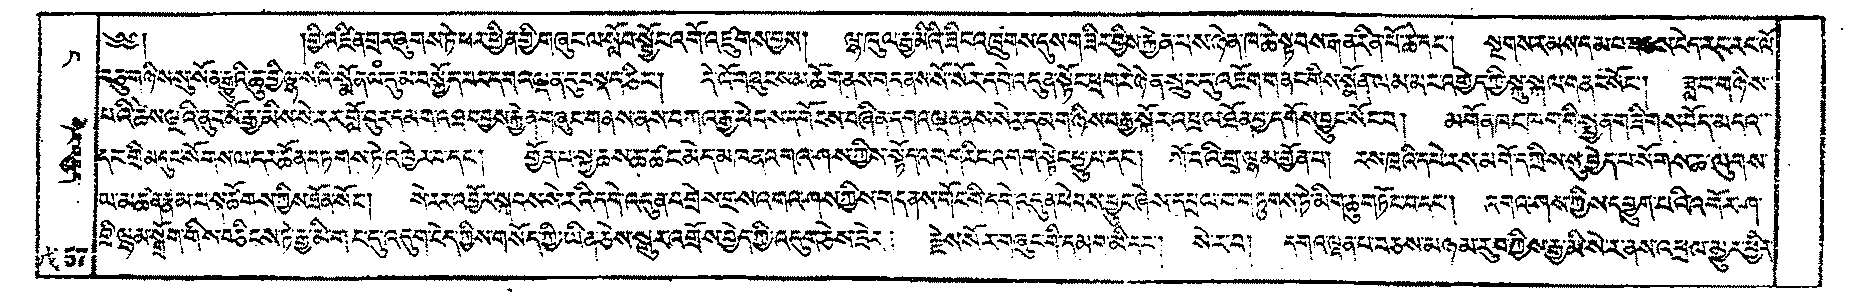༄༅། །གྱི་འཛིན་གྲར་ཞུགས་ཏེ་ཕར་ཕྱིན་གྱི་གཞུང་ལ་སློབ་སྦྱོང་འགོ་འཛུགས་བྱས། ལྷ་ཁུལ་རྒྱ་མིའི་ཟིང་འཁྲུགས་དུས་གཟིར་གྱིས་རྐྱེན་པས་ཉེན་ཁ་ཆེ་སྟབས་རྒན་རིན་པོ་ཆེ་དང་། སྔགས་རམས་དམ་པ་བཅས་ངེད་རང་རང་ལོ་
བཅུ་གཉིས་སུ་སོན་རྒྱུའི་ཆུ་བྱི་ལྷ་སའི་སྨོན་ལཾ་དུ་མ་བསྐྱོད་པར་དགའ་ལྡན་དུ་བསྡད་ཅིང་། དེ་ལོ་གཞུང་ས་མཆོག་ནས་གདན་ས་སོ་སོར་དགེ་འདུན་སྟོང་ཕྲག་རེ་ཉེན་སྲུང་དུ་འཇོག་གནང་གིས་སྨོན་ལམ་མང་འགྱེད་ཀྱི་སྐུ་སྐལ་གནང་སོང་། ཟླ་བ་གཉིས་
པའི་ཚེས་ལྔའི་ནུབ་མོ་རྒྱ་མིས་སེ་རར་གློ་བུར་དམག་འཐབ་བྱས་རྐྱེན་གཞུང་གནས་ནས་བཀའ་རྒྱ་ཕེབས་དགོངས་བཞིན་དགའ་ལྡན་ནས་སེར་དམ་གཉིས་བརྒྱ་སྐོར་འཕྲལ་ཐོན་བྱ་དགོས་བྱུང་སོང་བ། མགོན་ཁང་ཁག་གི་སྤྱན་གཟིགས་བོད་མདའ་
དང་གྲི་མདུང་སོགས་ལ་དར་ཚོན་བཏགས་ཏེ་འཁྱེར་བ་དང་། གྱོན་པ་སྐྱ་ཆས་ཆ་ཚང་མེད་མཁན་འགའ་ཤས་ཀྱིས་སྟོད་འགག་རིང་འགག་སྟེང་ཕྱུ་པ་དང་། ཀོ་བའི་གྲྭ་ལྷམ་གྱོན་པ། རས་ཁྲའི་དཔེ་རས་མགོ་དཀྲིས་སུ་བྱེད་པ་སོགས་ཆ་ལུགས་
ཡ་མཚན་རྣམ་པ་སྣ་ཚོགས་ཀྱིས་ཐོན་སོང་། སེ་རར་འབྱོར་སྐབས་སེ་རའི་དགེ་འདུན་བགྲེས་གྲས་འགའ་ཤས་ཀྱིས་གདན་ས་གོང་གི་དགེ་འདུན་ཕེབས་བྱུང་ཞེས་དཔྲལ་བ་གཏུགས་ཏེ་མིག་ཆུ་གཏོང་བ་དང་། འགའ་ཤས་ཀྱིས་དབྱུག་པའི་འགོར་ཤ་
གྲི་ལྷམ་སྒྲོག་གིས་བཅིངས་ཏེ་རྒྱ་མི་གང་དུ་འདུག་ངེད་ཀྱིས་གསོད་ཀྱི་ཡིན་ཅེས་སྒུར་འགྲོས་བྱེད་ཀྱི་འདུག་ཅེས་ཟེར། རྗེས་སོར་གཞུང་གི་དམག་མི་དང་། སེ་ར་བ། དགའ་ལྡན་པ་བཅས་མཉམ་རུབ་ཀྱིས་རྒྱ་མི་སེ་ར་ནས་འཕྲལ་མྱུར་ཕྱིར་